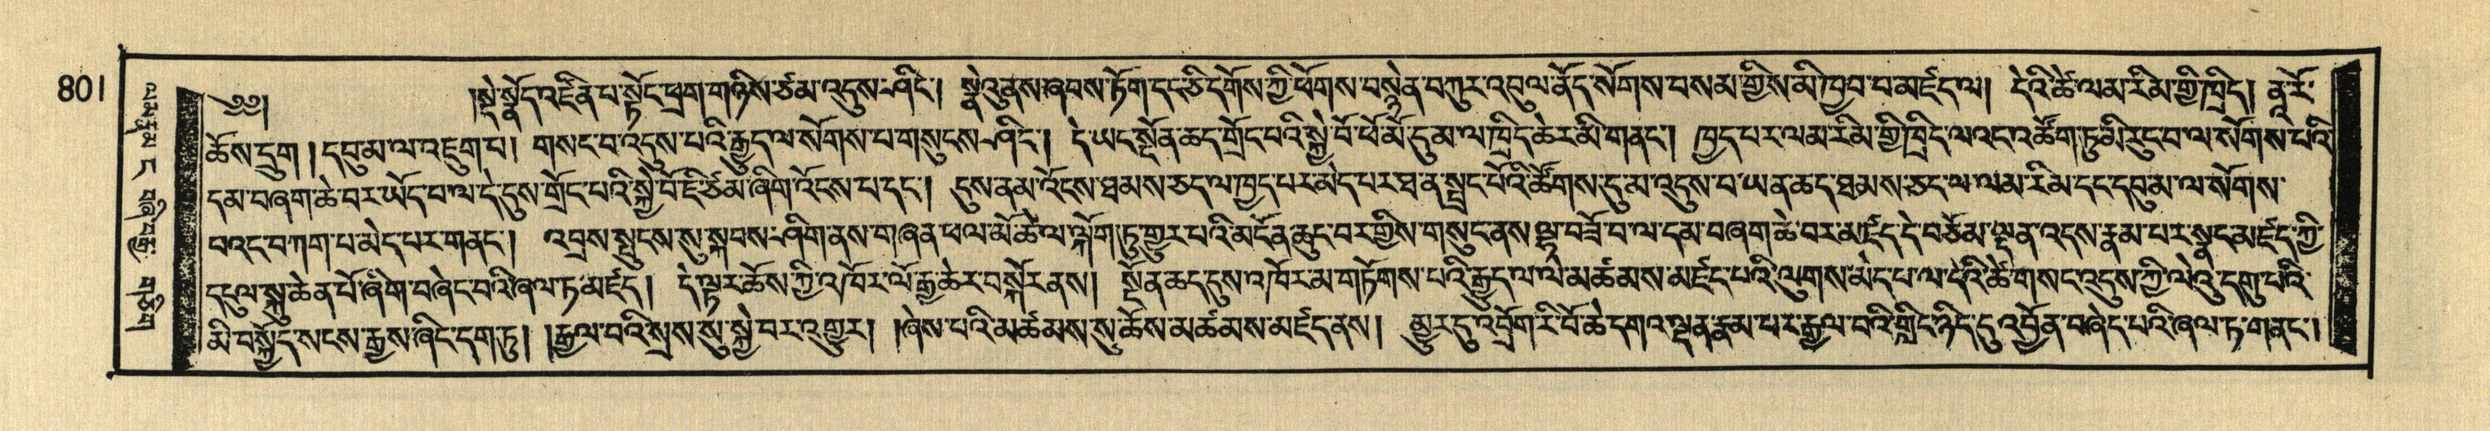༄༅། །སྡེ་སྣོད་འཛིན་པ་སྟོང་ཕྲག་གཉིས་ཙམ་འདུས་ཤིང་། སྣེའུ་ནས་ཞབས་ཏོག་དང་ཅི་དགོས་ཀྱི་ཕོགས་བསྙེན་བཀུར་འབུལ་ནོད་སོགས་བསམ་གྱིས་མི་ཁྱབ་པ་མཛད་ལ། དེའི་ཚེ་ལམ་རིམ་གྱི་ཁྲིད། ནཱ་རོ་
ཆོས་དྲུག །དབུ་མ་ལ་འཇུག་པ། གསང་བ་འདུས་པའི་རྒྱུད་ལ་སོགས་པ་གསུངས་ཤིང་། དེ་ཡང་སྔོན་ཆད་གྲོང་པའི་སྐྱེ་བོ་ཕོ་མོ་དུ་མ་ལ་ཁྲིད་ཆེར་མི་གནང་། ཁྱད་པར་ལམ་རིམ་གྱི་ཁྲིད་ལའང་འཚོག་ཏུ་མི་རུང་བ་ལ་སོགས་པའི་
དམ་བཞག་ཆེ་བར་ཡོད་པ་ལ་དེ་དུས་གྲོང་པའི་སྐྱེ་བོ་ཇི་ཙམ་ཞིག་འོངས་པ་དང་། དུས་ནམ་འོངས་ཐམས་ཅད་ལ་ཁྱད་པར་མེད་པར་ཐ་ན་སྤྲང་པོའི་ཚོགས་དུ་མ་འདུས་བ་ཡན་ཆད་ཐམས་ཅད་ལ་ལམ་རིམ་དང་དབུ་མ་ལ་སོགས་
བའང་བཀག་པ་མེད་པར་གནང་། འབྲས་སྤུངས་སུ་སྐབས་ཤིག་ནས་གཞན་ཕལ་མོ་ཆེ་ལ་ལྐོག་ཏུ་གྱུར་པའི་མངོན་ཆུང་བར་གྱིས་གསུང་ནས་ལྷ་བཟོ་བ་ལ་དམ་བཞག་ཆེ་བར་མཛད་དེ་བཅོམ་ལྡན་འདས་རྣམ་པར་སྣང་མཛད་ཀྱི་
དངུལ་སྐུ་ཆེན་པོ་ཞིག་བཞེང་བའི་ཞལ་ཏ་མཛད། དེ་ལྟར་ཆོས་ཀྱི་འཁོར་ལོ་རྒྱ་ཆེར་བསྐོར་ནས། སྔོན་ཆད་དུས་འཁོར་མ་གཏོགས་པའི་རྒྱུད་ལ་ལེ་མཚམས་མཛད་པའི་ལུགས་མེད་པ་ལ་དེའི་ཚེ་གསང་འདུས་ཀྱི་ལེའུ་དགུ་པའི་
མི་བསྐྱོད་སངས་རྒྱས་ཞིང་དག་ཏུ། །རྒྱལ་བའི་སྲས་སུ་སྐྱེ་བར་འགྱུར། །ཞེས་པའི་མཚམས་སུ་ཆོས་མཚམས་མཛད་ནས། མྱུར་དུ་འབྲོག་རི་བོ་ཆེ་དགའ་ལྡན་རྣམ་པར་རྒྱལ་བའི་གླིང་ཉིད་དུ་འབྱོན་བཞེད་པའི་ཞལ་ཏ་གནང་།